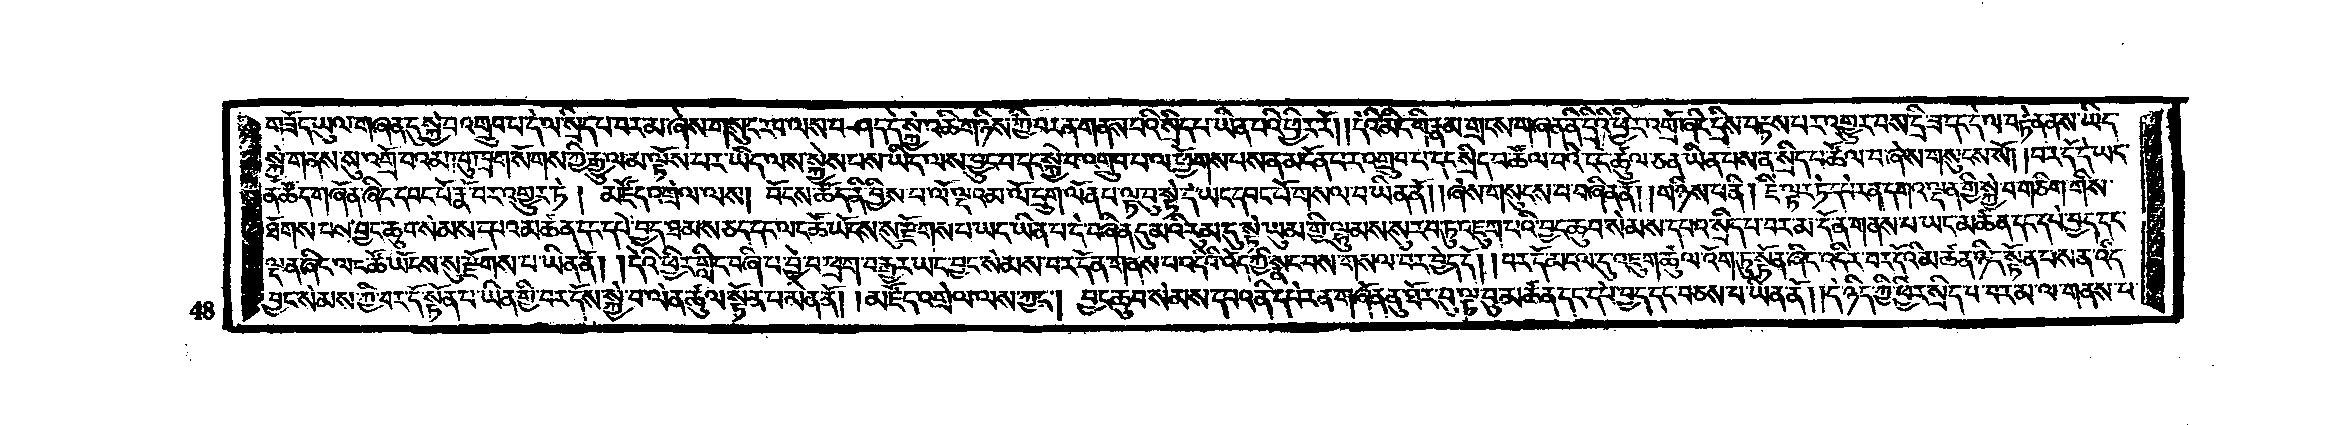གཟོད་ཡུལ་གཞན་དུ་སྐྱེ་བ་འགྲུབ་པ་དེ་ལ་སྲིད་པ་བར་མ་ཞེས་གསུང་རབ་ལས་བཤད་དེ་སྐྱེ་འཆི་གཉིས་ཀྱི་བར་ན་གནས་པའི་སྲིད་པ་ཡིན་པའི་ཕྱིར་རོ། །དེའི་མིང་གི་རྣམ་གྲངས་གཞན་ནི་དྲིའི་ཕྱིར་འགྲོ་ཞིང་དྲིས་བརྟས་པར་འགྱུར་བས་དྲི་ཟ་དང་དེ་ལ་བརྟེན་ནས་ཡིད་
སྐྱེ་གནས་སུ་འགྲོ་བའམ་ཁུ་ཁྲག་སོགས་ཀྱི་རྒྱུ་ལ་མ་ལྟོས་པར་ཡིད་ལས་སྐྱེས་པས་ཡིད་ལས་བྱུང་བ་དང་སྐྱེ་བ་འགྲུབ་པ་ལ་ཕྱོགས་པས་ན་མངོན་པར་འགྲུབ་པ་དང་སྲིད་པ་ཚོལ་བའི་ངང་ཚུལ་ཅན་ཡིན་པས་ན་སྲིད་པ་ཚོལ་བ་ཞེས་གསུངས་སོ། །བར་དོ་དེ་ཡང་
ན་ཚོད་གཞོན་ཞིང་དབང་པོ་རྣོ་བར་འགྱུར་ཏེ། མཛོད་འགྲེལ་ལས། བོངས་ཚོད་ནི་བྱིས་པ་ལོ་ལྔའམ་ལོ་དྲུག་ལོན་པ་ལྟ་བུ་སྟེ་དེ་ཡང་དབང་པོ་གསལ་བ་ཡིན་ནོ། །ཞེས་གསུངས་པ་བཞིན་ནོ། །གཉིས་པ་ནི། ཇི་ལྟར་ཏེ་དཔེར་ན་དགའ་ལྡན་གྱི་སྐྱེ་བ་གཅིག་གིས་
ཐོགས་པའི་བྱང་ཆུབ་སེམས་དཔའ་མཚན་དང་དཔེ་བྱད་ཐམས་ཅད་དང་ལང་ཚོ་ཡོངས་སུ་རྫོགས་པ་ཡང་ཡིན་པ་དེ་བཞིན་དུ་མའི་རུམ་དུ་སྟེ་ཡུམ་གྱི་ལྷུམས་སུ་རབ་ཏུ་འཇུག་པའི་བྱང་ཆུབ་སེམས་དཔའ་སྲིད་པ་བར་མ་དོ་ན་གནས་པ་ཡང་མཚན་དང་དཔེ་བྱད་དང་
ལྡན་ཞིང་ལང་ཚོ་ཡོངས་སུ་རྫོགས་པ་ཡིན་ནོ། །དེའི་ཕྱིར་གླིང་བཞི་པ་བྱེ་བ་ཕྲག་བརྒྱར་ཡང་བྱང་སེམས་བར་དོ་ན་གནས་པ་འདིའི་འོད་ཀྱི་སྣང་བས་གསལ་བར་བྱེད་དོ། །བར་དོ་མངལ་དུ་འཇུག་ཚུལ་འོག་ཏུ་སྟོན་ཞིང་འདིར་བར་དོའི་མཚན་ཉིད་སྟོན་པས་ན་འདི་
བྱང་སེམས་ཀྱི་བར་དོ་སྟོན་པ་ཡིན་གྱི་བར་དོས་སྐྱེ་བ་ལེན་ཚུལ་སྟོན་པ་མིན་ནོ། །མཛོད་འགྲེལ་ལས་ཀྱང་། བྱང་ཆུབ་སེམས་དཔའ་ནི་དཔེར་ན་གཞོན་ནུ་ཐོར་བུ་ལྟ་བུ་མཚན་དང་དཔེ་བྱད་དང་བཅས་པ་ཡིན་ནོ། །དེ་ཉིད་ཀྱི་ཕྱིར་སྲིད་པ་བར་མ་ལ་གནས་པ་